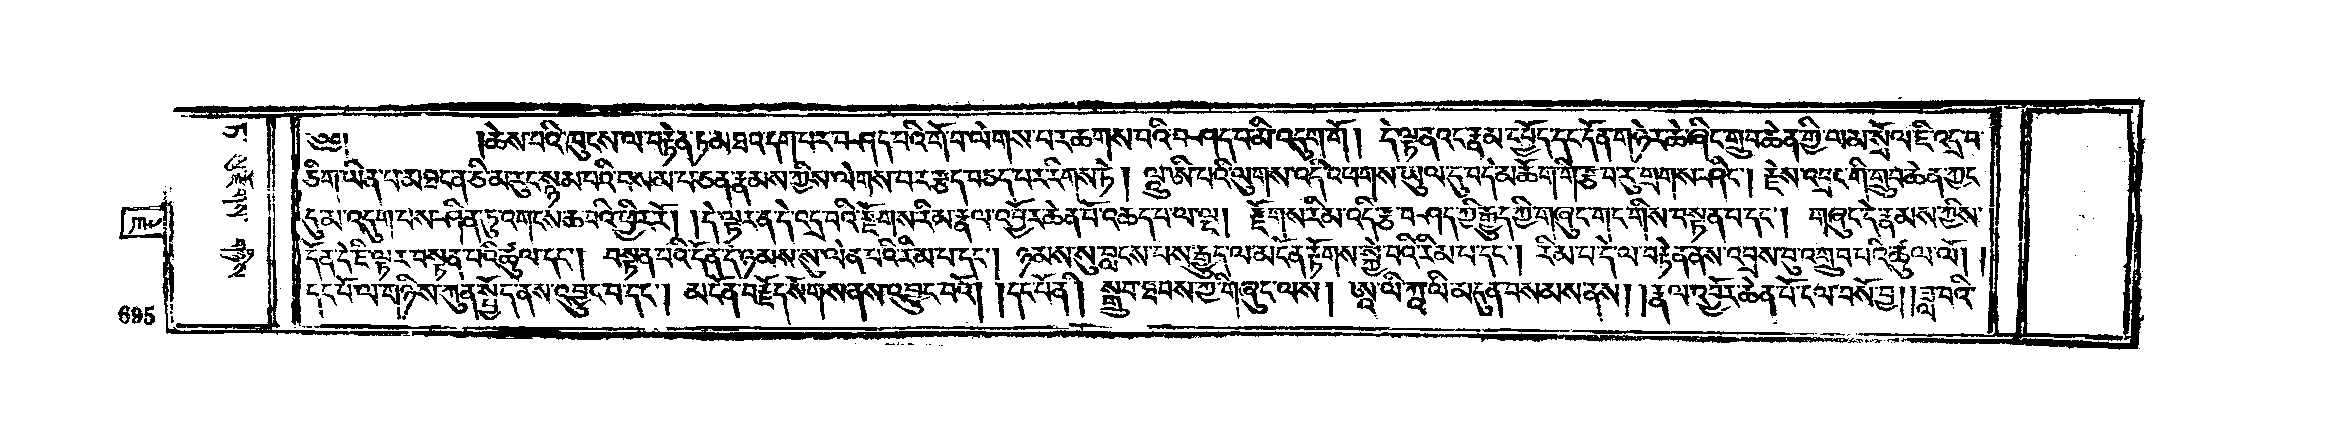༄༅། །ཆེས་པའི་ཁུངས་ལ་བརྟེན་ཏ་མཐའ་དག་པར་བཤད་པའི་གོ་བ་ལེགས་པར་ཆགས་པའི་བཤད་པ་མི་འདུག་གོ། དེ་ལྟ་ནའང་རྣམ་དཔྱོད་དང་དོན་གཉེར་ཆེ་ཞིང་གྲུབ་ཆེན་གྱི་ལམ་སྲོལ་ཇི་འདྲ་བ་
ཅིག་ཡིན་པ་མཐང་ན་ཅི་མ་རུང་སྙམ་པའི་བསམ་པ་ཅན་རྣམས་ཀྱིས་ལེགས་པར་རྩད་བཅད་པར་རིགས་ཏེ། ལཱུ་ཨི་པའི་ལུགས་འདི་འཕགས་ཡུལ་དུ་བདེ་མཆོག་གི་རྩ་བ་རུ་གྲགས་ཤིང་། རྗེས་འབྲང་གི་གྲུབ་ཆེན་ཀྱང་
དུ་མ་འདུག་པས་ཤིན་ཏུ་འགངས་ཆེ་བའི་ཕྱིར་རོ། །དེ་ལྟར་ན་དེ་འདྲ་བའི་རྫོགས་རིམ་རྣལ་འབྱོར་ཆེན་པོ་འཆད་པ་ལ་ལྔ། རྫོགས་རིམ་འདི་རྩ་བཤད་ཀྱི་རྒྱུད་ཀྱི་གཞུང་གང་གིས་བསྟན་པ་དང་། གཞུང་དེ་རྣམས་ཀྱིས་
དོན་དེ་ཇི་ལྟར་བསྟན་པའི་ཚུལ་དང་། བསྟན་པའི་དོན་དེ་ཉམས་སུ་ལེན་པའི་རིམ་པ་དང་། ཉམས་སུ་བླངས་པས་རྒྱུད་ལ་མངོན་རྟོགས་སྐྱེ་བའི་རིམ་པ་དང་། རིམ་པ་དེ་ལ་བརྟེན་ནས་འབྲས་བུ་འགྲུབ་པའི་ཚུལ་ལོ། །
དང་པོ་ལ་གཉིས་ཀུན་སྤྱོད་ནས་འབྱུང་བ་དང་། མངོན་བརྗོད་སོགས་ནས་འབྱུང་བའོ། །དང་པོ་ནི། སྒྲུབ་ཐབས་ཀྱི་གཞུང་ལས། ཨཱ་ལི་ཀཱ་ལི་མདུན་བསམས་ནས། །རྣལ་འབྱོར་ཆེན་པོ་ངལ་བསོ་བྱ། །ཟླ་བའི་